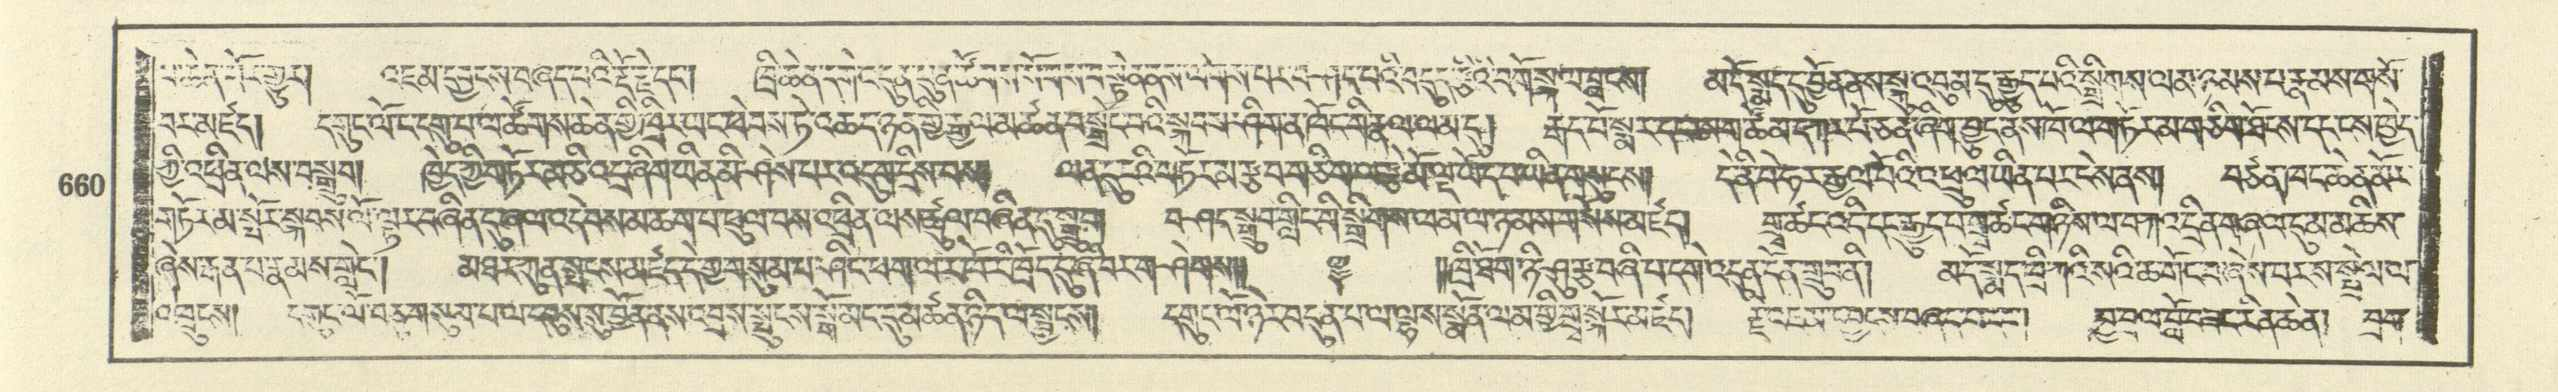པ་ཆེན་པོར་གྱུར། འཇམ་དབྱངས་བཞད་པའི་རྡོ་རྗེ་དང་། ཁྲི་ཆེན་དགེ་འདུན་ཕུན་ཚོགས་སོགས་བསྟེན་ནས་ལེགས་པར་བཤད་པའི་བདུད་རྩིའི་བགོ་སྐལ་བླངས། མདོ་སྨད་དུ་བྱོན་ནས་སྐུ་འབུམ་དུ་རྒྱུད་པའི་སྒྲིགས་ལམ་ཉམས་པ་རྣམས་གསོ་
བར་མཛད། དགུང་ལོ་ང་དགུ་པ་ལ་ཚོགས་ཆེན་གྱི་ཁྲིར་ཡང་ཕེབས་ཏེ་འཆད་ཉན་གྱི་རྒྱལ་མཚན་བསྒྲེང་བའི་སྐབས་ཤིག་ན་ཁོང་གི་རྣལ་ལམ་དུ། རྒད་པོ་སྨར་དང་ཨག་ཚོམ་དཀར་པོ་ཅན་ཞིག་བྱུང་ནས་ཁོ་ལ་གཏོར་མ་གཅིག་ཐོངས་དང་ངས་ཁྱེད་
ཀྱི་འཕྲིན་ལས་བསྒྲུབ། ཁྱེད་ཀྱི་གཏོར་མ་ཅི་འདྲ་ཞིག་ཡིན་མི་ཤེས་པར་འདུག་དྲིས་བས། ལན་དུ་ངའི་གཏོར་མ་རྩ་བ་གཅིག་ལ་རྩེ་མོ་ལྔ་ཡོད་པ་ཡིན་གསུངས། དེ་ནི་པེ་ཧར་རྒྱལ་པོའི་འཕྲུལ་ཡིན་པར་ངེས་ནས། བཙན་ཁང་ཆེན་མོར་
གཏོར་མ་སྤོར་སྐབས་ལོ་ལྟར་བཞིན་དུ་ཞལ་འདེབས་མ་ཆག་པ་ཕུལ་བས་འཕྲིན་ལས་ཚུལ་བཞིན་དུ་སྒྲུབ། བཤད་སྒྲུབ་གླིང་གི་སྒྲིགས་ལམ་ལ་ཉམས་གསོས་མཛད། གྲྭ་ཚང་འདི་དང་རྒྱུད་པ་གྲྭ་ཚང་གཉིས་ལ་བཀའ་དྲིན་གཞལ་དུ་མ་མཆིས་
ཞེས་རྒན་པ་རྣམས་གླེང་། མཐར་ཀུན་སྤངས་མཛད་དེ་གྱ་གསུམ་པ་ཤིང་ཕག་ལ་ར་ཁོ་རི་ཁྲོད་དུ་ཞི་བར་གཤེགས།། ༈ །།ཁྲི་ཐོག་ཉི་ཤུ་རྩ་བཞི་པ་དགེ་འདུན་དོན་གྲུབ་ནི། མདོ་སྨད་ཁྲི་ཀའི་སའི་ཆ་གོང་བ་ཞེས་པར་ས་སྤྲེལ་ལ་
འཁྲུངས། དགུང་ལོ་བཅུ་གསུམ་པ་ལ་དབུས་སུ་བྱོན་ནས་འབྲས་སྤུངས་སྒོ་མང་དུ་མཚན་ཉིད་ལ་སྦྱངས། དགུང་ལོ་ཉེར་བདུན་པ་ལ་ལྷ་ས་སྨོན་ལམ་གྱི་གྲྭ་སྐོར་མཛད། རྗེ་འཇམ་དབྱངས་བཞད་པ་དང་། བྱ་བྲལ་བློ་བཟང་རིན་ཆེན། བྲག་